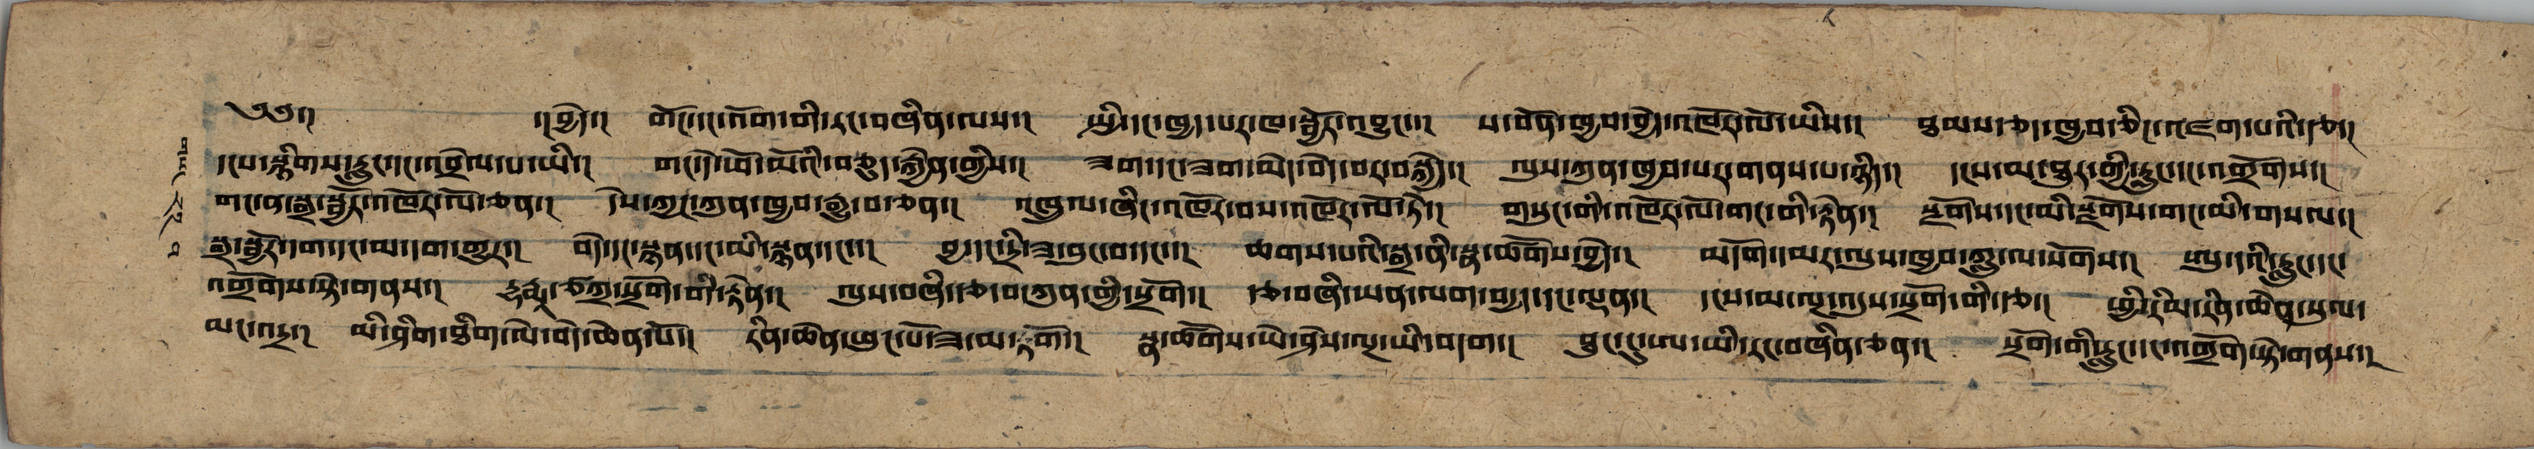༄༅་། ་།བྱེད་། གོང་དང་འོག་གི་རང་བཞིན་ལས་། སྤྱི་དང་ཁྱད་པར་ཁ་སྦྱོར་འབྱུང་་། ས་བོན་ཁྱབ་བྱེད་འཁོར་ལོ་ཡིས་། ཐམས་ཅད་ཁྱབ་ཅིང་འཛག་པའི་རྩ་།
དངས་སྙིགས་རླུང་དང་འབྲེལ་པ་ཡི་། གང་དེ་ཕོ་མོའི་བཅུད་རྐྱེན་གྱིས་། ཟག་དང་ཟག་མེད་བདེ་བར་བསྐྱེད་། ལུས་ཀུན་ཁྱབ་པར་གནས་པ་ཉིད་། དངས་མ་ཐུར་གྱི་རླུང་དང་འགྲོགས་།
གང་ན་སྒྲ་སྦྱོར་འཁོར་ལོ་ཅན་། དེས་ཀྱང་ཀུན་ཁྱབ་རྒྱུ་བ་ཅན་། འཁྲུལ་ཞིང་འཁོར་བས་འཁོར་ལོ་ཏེ་། གསུང་གི་འཁོར་ལོ་གང་གི་རྟེན་། སྫོགས་དང་མི་སྫོགས་གང་མི་གསལ་།
སྒྲ་སྦྱོར་དག་དང་མ་དག་གྱུར་། བདེ་དང་སྙན་དང་མི་སྙན་དང་་། བྱ་དང་དྲི་ཟ་བུང་བ་དང་་། ཆགས་པའི་སྒྲ་ནི་སྣ་ཚོགས་བྱེད་། མདོག་དམར་ལུས་ཁྱབ་ཀླུ་ལ་སོགས་། ཨུ་དའི་རླུང་དང་
འགྲོགས་སྟེ་གནས་། དྡྷརྨཱ་ཙཀྲ་སྲོག་གི་རྟེན་། ལུས་བཞི་རྩ་བ་ཀུན་གྱི་སྲོག་། རྩ་བཞི་ཡན་ལག་བདྱད་དང་ལྡན་། དངས་མ་ལྔ་འདུས་སྲོག་གི་རྩ་། ཕྱི་རིམ་རིན་ཆེན་སུལ་
མང་འདྲ་། མི་ཤིག་ཐིག་ལེ་བདེ་ཆེན་པོ་། རིན་ཆེན་ཕུང་པོ་ཟ་མ་རྟོག་། སྣ་ཚོགས་ཡེ་ཤེས་ལྔ་ཡི་བདག་། ཐུང་ངུ་ཨ་ཡི་རང་བཞིན་ཅན་། སྲོག་གི་རླུང་དང་འགྲོག་སྟེ་གནས་།